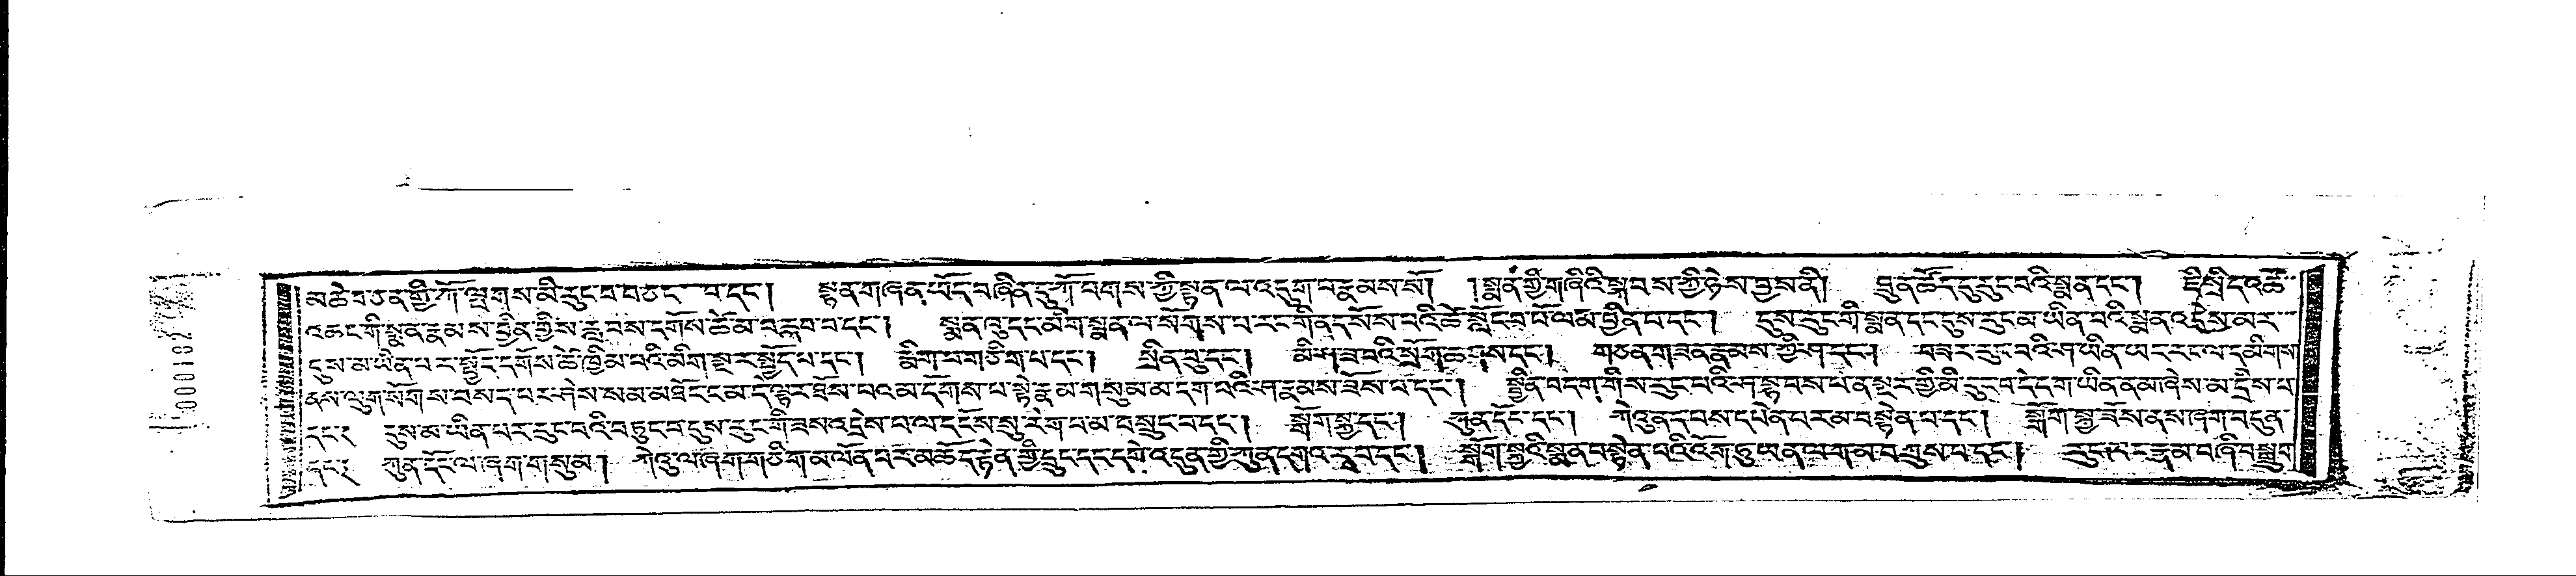མཆེ་བ་ཅན་གྱི་ཀོ་ལྤགས་མི་རུང་བ་བཅང་པ་དང་། སྟན་གཞན་ཡོད་བཞིན་དུ་ཀོ་པགས་ཀྱི་སྟན་ལ་འདུག་པ་རྣམས་སོ། །སྨན་གྱི་གཞིའི་སྐབས་ཀྱི་ཉེས་བྱས་ནི། ཐུན་ཚོད་དུ་རུང་བའི་སྨན་དང་། ཇི་སྲིད་འཚོ་
འཆང་གི་སྨན་རྣམས་བྱིན་གྱིས་རླབས་དགོས་ཚེ་མ་བརླབ་པ་དང་། སྨན་ཁུ་དང་མིག་སྨན་ལ་སོགས་པ་རང་གི་ནད་སོས་པའི་ཚེ་སློང་བ་པོ་ལམ་བྱིན་པ་དང་། དུས་རུང་གི་སྨན་དང་དུས་རུང་མ་ཡིན་པའི་སྨན་འདྲེས་མར་
དུས་མ་ཡིན་པར་སྤྱོད་དགོས་ཚེ་ཁྱིམ་པའི་མིག་སྔར་སྤྱོད་པ་དང་། རྨིག་པ་གཅིག་པ་དང་། སྲིན་བུ་དང་། མི་ཤ་ཟ་བའི་སྲོག་ཆགས་དང་། གཅན་གཟན་རྣམས་ཀྱི་ཤ་དང་། བཟར་རུང་བའི་ཤ་ཡིན་ཡང་རང་ལ་དམིགས་
ནས་ལུག་སོགས་བསད་པར་ཤེས་སམ་མཐོང་ངམ་དེ་ལྟར་ཐོས་པའམ་དོགས་པ་སྟེ་རྣམ་གསུམ་མ་དག་པའི་ཤ་རྣམས་ཟོས་པ་དང་། སྦྱིན་བདག་གིས་རུང་བའི་ཤ་སྟབས་པ་ན་སྔར་གྱི་མི་རུང་བ་དེ་དག་ཡིན་ནམ་ཞེས་མ་དྲིས་པ་
དང༑ དུས་མ་ཡིན་པར་རུང་བའི་བཏུང་བ་དུས་རུང་གི་ཟས་འདྲེས་པ་ལ་དངོས་སུ་རེག་པ་མ་བསྲུང་བ་དང་། སྒོག་སྐྱ་དང་། ཀུན་དོང་དང་། ཀེའུ་ནད་པས་དབེན་པར་མ་བསྟེན་པ་དང་། སྒོག་སྐྱ་ཟོས་ནས་ཞག་བདུན་
དང༑ ཀུན་དོང་ལ་ཞག་གསུམ། ཀེའུ་ལ་ཞག་གཅིག་མ་ལོན་པར་མཆོད་རྟེན་གྱི་དྲུང་དང་དགེ་འདུན་གྱི་ཀུན་དགའ་རྭ་བ་དང་། སྒོག་སྐྱའི་སྨན་བསྟེན་པའི་འོག་ཏུ་ཡན་ལག་མ་བཀྲུས་པ་དང་། རུང་ཁང་རྣམ་བཞི་བསྒྲུབ་